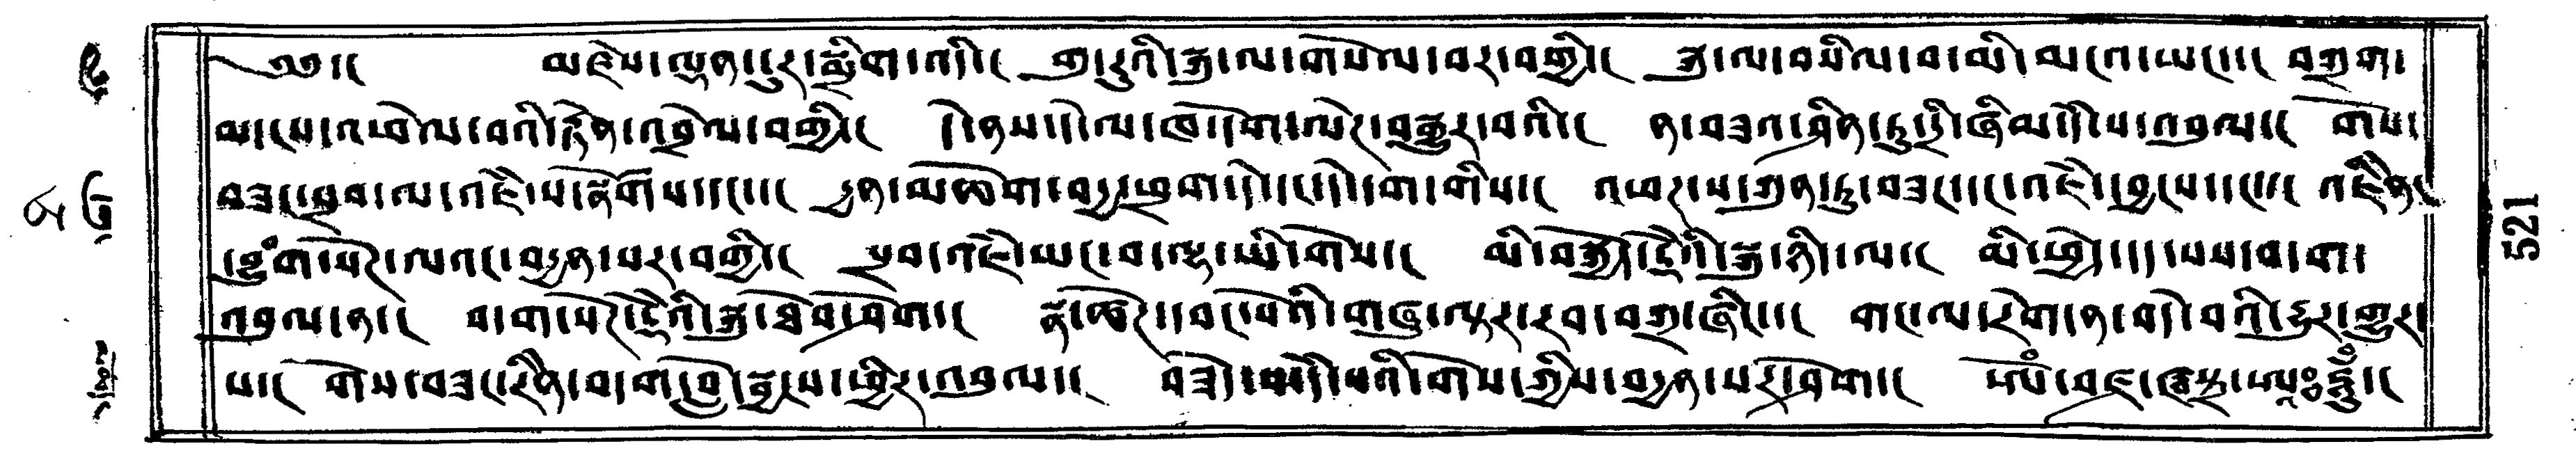མཛེས་ལྡན་ངུར་སྨྲིག་འདི། །གུ་རུའི་སྐུ་ལ་གསོལ་བར་བགྱི། །སྐུ་ལ་བསིལ་བ་མི་མངའ་ཡང་། །བཀྲག་
མདངས་འཕེལ་བའི་རྟེན་འབྲེལ་བགྱི། །དེ་ནས་དེ་ལ་ཁ་དོག་ལེགས་བསྒྱུར་བའི་། །ན་བཟའ་ཤིན་ཏུ་དྲི་ཞིམ་དམ་པ་འབུལ། །གོས་
བཟང་སྲབ་ལ་འཇམ་པ་སྣ་ཚོགས་དང་། །རྒྱན་མཆོག་བརྒྱ་ཕྲག་དེ་དང་དེ་དག་གིས། །འཕགས་པ་ཀུན་ཏུ་བཟང་དང་འཇམ་དབྱངས་དང་། །འཇིག་རྟེན་
དབང་ཕྱུག་སོགས་ལའང་བརྒྱན་པར་བགྱི། །སྲབ་འཇམ་ཡང་བ་ལྷ་ཡི་གོས། །མི་སྐྱོད་རྡོ་རྗེའི་སྐུ་ཉིད་ལ། །མི་ཕྱེད་དད་པས་བདག་
འབུལ་ན། །བདག་སོགས་རྡོ་རྗེའི་སྐུ་ཐོབ་ཤོག །སྣ་ཚོགས་དབང་པོའི་གཞུ་ལྟར་རབ་བཀྲ་ཞིང་། །གང་ལ་རེག་ན་བདེ་བའི་རྒྱུར་གྱུར་
པ། །གོས་བཟང་རིན་ཆེན་བདག་བློ་སྦྱང་ཕྱིར་འབུལ། །བཟོད་པ་དམ་པའི་གོས་ཀྱིས་བརྒྱན་པར་ཤོག ཨོཾ་བཛྲ་ཝསྟྲ་ཨཱཿཧཱུྃ།